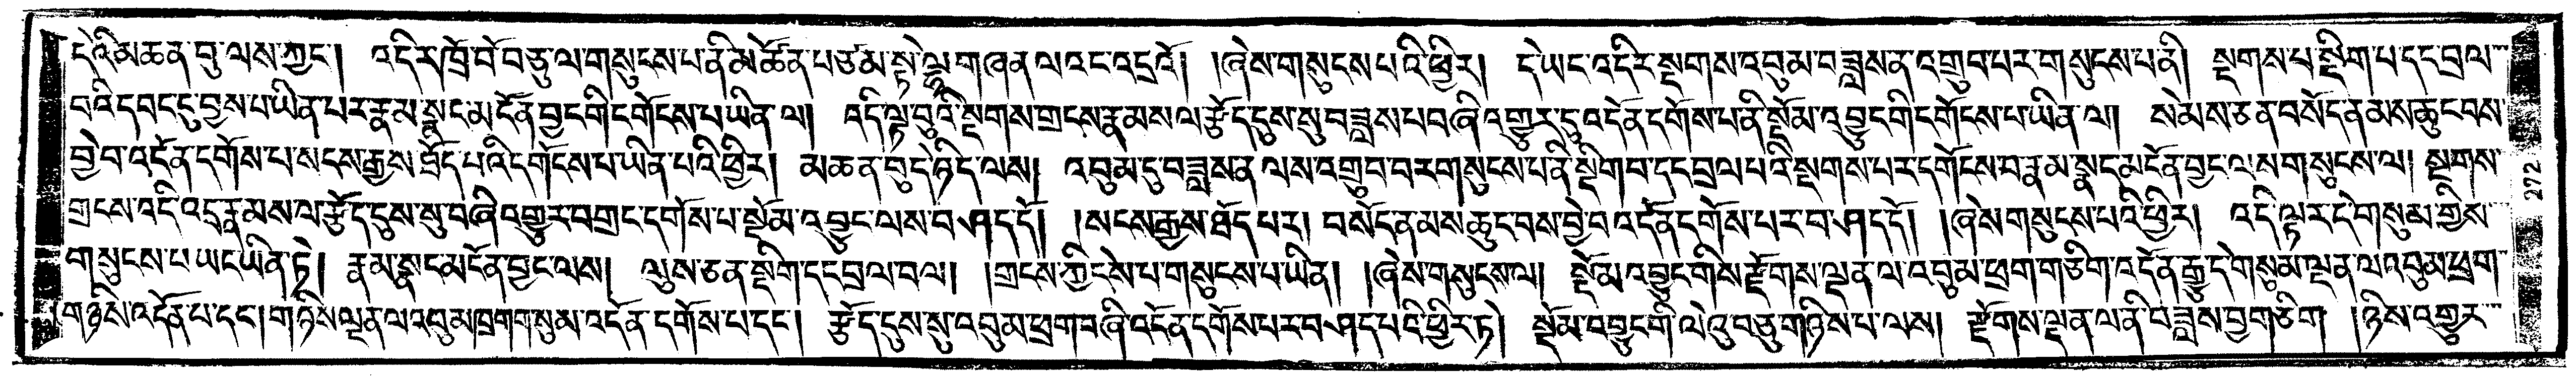དེའི་མཆན་བུ་ལས་ཀྱང་། འདིར་ཁྲོ་བོ་བཅུ་ལ་གསུངས་པ་ནི་མཚོན་པ་ཙམ་སྟེ་ལྷ་གཞན་ལའང་འདྲའོ། །ཞེས་གསུངས་པའི་ཕྱིར། དེ་ཡང་འདིར་སྔགས་འབུམ་བཟླས་ན་འགྲུབ་པར་གསུངས་པ་ནི། སྔགས་པ་སྡིག་པ་དང་བྲལ་
བའི་དབང་དུ་བྱས་པ་ཡིན་པར་རྣམ་སྣང་མངོན་བྱང་གི་དགོངས་པ་ཡིན་ལ། འདི་ལྟ་བུའི་སྔགས་གྲངས་རྣམས་ལ་རྩོད་དུས་སུ་བཟླས་པ་བཞི་འགྱུར་དུ་འདོན་དགོས་པ་ནི་སྡོམ་འབྱུང་གི་དགོངས་པ་ཡིན་ལ། སེམས་ཅན་བསོད་ནམས་ཆུང་བས་
བྱེ་བ་འདོན་དགོས་པ་སངས་རྒྱས་ཐོད་པའི་དགོངས་པ་ཡིན་པའི་ཕྱིར། མཆན་བུ་དེ་ཉིད་ལས། འབུམ་དུ་བཟླས་ན་ལས་འགྲུབ་བར་གསུངས་པ་ནི་སྡིག་པ་དང་བྲལ་བའི་སྔགས་པར་དགོངས་པ་རྣམ་སྣང་མངོན་བྱང་ལས་གསུངས་ལ། སྔགས་
གྲངས་འདི་འདྲ་རྣམས་ལ་རྩོད་དུས་སུ་བཞི་འགྱུར་བགྲང་དགོས་པ་སྡོམ་འབྱུང་ལས་བཤད་དོ། །སངས་རྒྱས་ཐོད་པར། བསོད་ནམ་ཆུང་བས་བྱེ་བ་འདོན་དགོས་པར་བཤད་དོ། །ཞེས་གསུངས་པའི་ཕྱིར། འདི་ལྟར་དེ་གསུམ་གྱིས་
གསུངས་པ་ཡང་ཡིན་ཏེ། རྣམ་སྣང་མངོན་བྱང་ལས། ལུས་ཅན་སྡིག་དང་བྲལ་བ་ལ། །གྲངས་ཀྱི་ངེས་པ་གསུངས་པ་ཡིན། །ཞེས་གསུངས་ལ། སྡོམ་འབྱུང་གིས་རྫོགས་ལྡན་ལ་འབུམ་ཕྲག་གཅིག་འདོན་རྒྱུ་དེ་གསུམ་ལྡན་ལ་འབུམ་ཕྲག་
གཉིས་འདོན་པ་དང་། གཉིས་ལྡན་ལ་འབུམ་ཁྲག་གསུམ་འདོན་དགོས་པ་དང་། རྩོད་དུས་སུ་འབུམ་ཕྲག་བཞི་འདོན་དགོས་པར་བཤད་པའི་ཕྱིར་ཏེ། སྡོམ་འབྱུང་གི་ལེའུ་བཅུ་གཉིས་པ་ལས། རྫོགས་ལྡན་ལ་ནི་བཟླས་བྱ་གཅིག །ཉིས་འགྱུར་